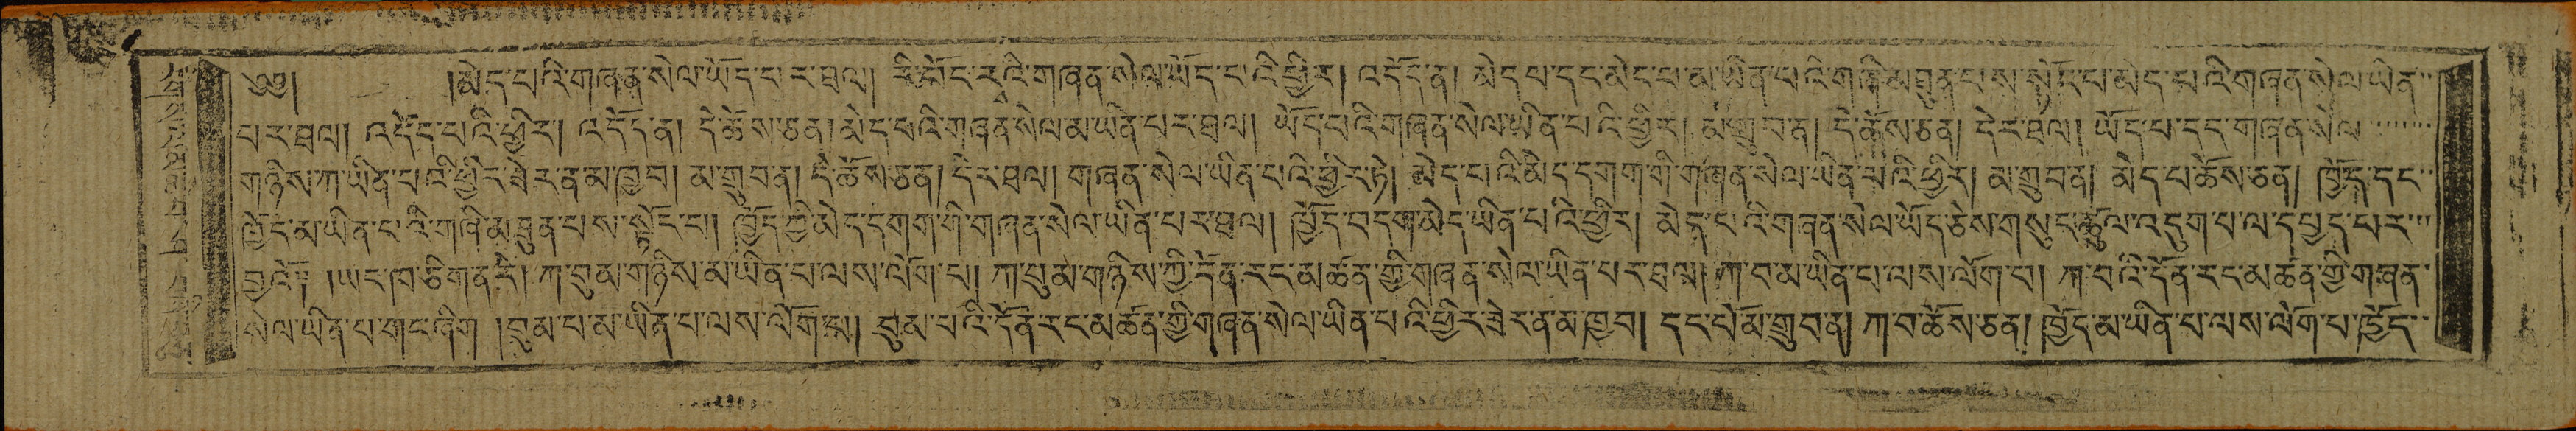༄༅། །མེད་པའི་གཞན་སེལ་ཡོད་པར་ཐལ། རི་བོང་རྭའི་གཞན་སེལ་ཡོད་པའི་ཕྱིར། འདོད་ན། མེད་པ་དང་མེད་པ་མ་ཡིན་པའི་གཞི་མཐུན་པས་སྟོང་པ་མེད་པའི་གཞན་སེལ་ཡིན་
པར་ཐལ། འདོད་པའི་ཕྱིར། འདོད་ན། དེ་ཆོས་ཅན། མེད་པའི་གཞན་སེལ་མ་ཡིན་པར་ཐལ། ཡོད་པའི་གཞན་སེལ་ཡིན་པའི་ཕྱིར། མ་གྲུབ་ན། དེ་ཆོས་ཅན། དེར་ཐལ། ཡོད་པ་དང་གཞན་སེལ་
གཉིས་ཀ་ཡིན་པའི་ཕྱིར་ཟེར་ན་མ་ཁྱབ། མ་གྲུབ་ན། དེ་ཆོས་ཅན། དེར་ཐལ། གཞན་སེལ་ཡིན་པའི་ཕྱིར་ཏེ། མེད་པའི་མེད་དགག་གི་གཞན་སེལ་ཡིན་པའི་ཕྱིར། མ་གྲུབ་ན། མེད་པ་ཆོས་ཅན། ཁྱོད་དང་
ཁྱོད་མ་ཡིན་པའི་གཞི་མཐུན་པས་སྟོང་པ། ཁྱོད་ཀྱི་མེད་དགག་གི་གཞན་སེལ་ཡིན་པར་ཐལ། ཁྱོད་བདག་མེད་ཡིན་པའི་ཕྱིར། མེད་པའི་གཞན་སེལ་ཡོད་ཅེས་གསུང་ཚུལ་འདུག་པ་ལ་དཔྱད་པར་
བྱའོ༑ །ཡང་ཁ་ཅིག་ན་རེ། ཀ་བུམ་གཉིས་མ་ཡིན་པ་ལས་ལོག་པ། ཀ་བུམ་གཉིས་ཀྱི་དོན་རང་མཚན་གྱི་གཞན་སེལ་ཡིན་པར་ཐལ། ཀ་བ་མ་ཡིན་པ་ལས་ལོག་པ། ཀ་བའི་དོན་རང་མཚན་གྱི་གཞན་
སེལ་ཡིན་པ་གང་ཞིག །བུམ་པ་མ་ཡིན་པ་ལས་ལོག་པ། བུམ་པའི་དོན་རང་མཚན་གྱི་གཞན་སེལ་ཡིན་པའི་ཕྱིར་ཟེར་ན་མ་ཁྱབ། དང་པོ་མ་གྲུབ་ན། ཀ་བ་ཆོས་ཅན། ཁྱོད་མ་ཡིན་པ་ལས་ལོག་པ་ཁྱོད་